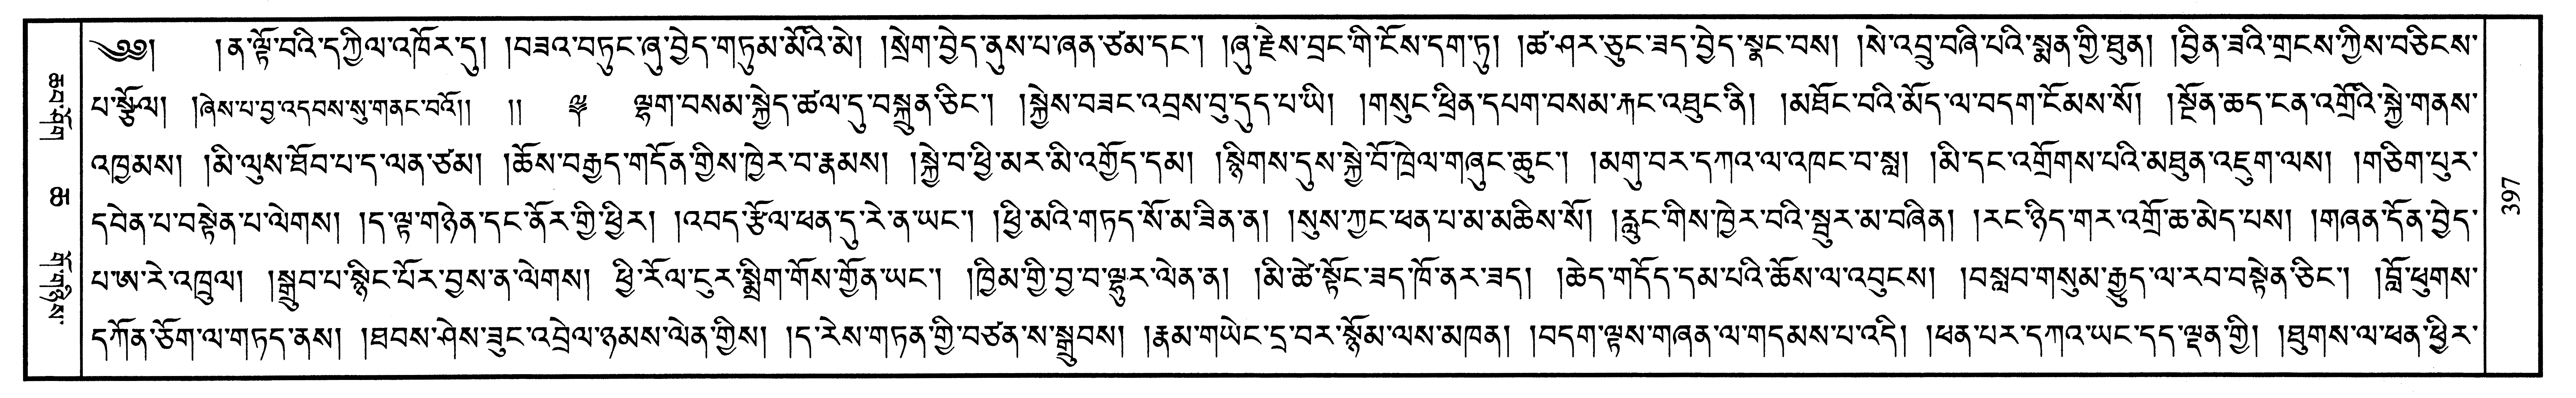༄༅། །ན་ལྟོ་བའི་དཀྱིལ་འཁོར་དུ། །བཟའ་བཏུང་ཞུ་བྱེད་གཏུམ་མོའི་མེ། །སྲེག་བྱེད་ནུས་པ་ཞན་ཙམ་དང་། །ཞུ་རྗེས་བྲང་གི་ངོས་དག་ཏུ། །ཚ་ཤར་ཅུང་ཟད་བྱེད་སྣང་བས། །སེ་འབྲུ་བཞི་པའི་སྨན་གྱི་ཐུན། །བྱིན་ཟའི་གྲངས་ཀྱིས་བཅིངས་
པ་སྩོལ། །ཞེས་པ་བྱ་འདབས་སུ་གནང་བའོ།། །། ༈ ལྷག་བསམ་སྐྱེད་ཚལ་དུ་བསྐྲུན་ཅིང་། །སྐྱེས་བཟང་འབྲས་བུ་དུད་པ་ཡི། །གསུང་ཕྲིན་དཔག་བསམ་རྐང་འཐུང་ནི། །མཐོང་བའི་མོད་ལ་བདག་ངོམས་སོ། །སྔོན་ཆད་ངན་འགྲོའི་སྐྱེ་གནས་
འཁྱམས། །མི་ལུས་ཐོབ་པ་ད་ལན་ཙམ། །ཆོས་བརྒྱད་གདོན་གྱིས་ཁྱེར་བ་རྣམས། །སྐྱེ་བ་ཕྱི་མར་མི་འགྱོད་དམ། །སྙིགས་དུས་སྐྱེ་བོ་ཁྲེལ་གཞུང་ཆུང་། །མགུ་བར་དཀའ་ལ་འཁང་བ་སླ། །མི་དང་འགྲོགས་པའི་མཐུན་འཇུག་ལས། །གཅིག་པུར་
དབེན་པ་བསྟེན་པ་ལེགས། །ད་ལྟ་གཉེན་དང་ནོར་གྱི་ཕྱིར། །འབད་རྩོལ་ཕན་དུ་རེ་ན་ཡང་། །ཕྱི་མའི་གཏད་སོ་མ་ཟིན་ན། །སུས་ཀྱང་ཕན་པ་མ་མཆིས་སོ། །རླུང་གིས་ཁྱེར་བའི་སྦུར་མ་བཞིན། །རང་ཉིད་གར་འགྲོ་ཆ་མེད་པས། །གཞན་དོན་བྱེད་
པ་ཨ་རེ་འཁྲུལ། །སྒྲུབ་པ་སྙིང་པོར་བྱས་ན་ལེགས། ཕྱི་རོལ་ངུར་སྨྲིག་གོས་གྱོན་ཡང་། །ཁྱིམ་གྱི་བྱ་བ་ལྷུར་ལེན་ན། །མི་ཚེ་སྟོང་ཟད་ཁོ་ནར་ཟད། །ཆེད་གདོད་དམ་པའི་ཆོས་ལ་འབུངས། །བསླབ་གསུམ་རྒྱུད་ལ་རབ་བསྟེན་ཅིང་། །བློ་ཕུགས་
དཀོན་ཅོག་ལ་གཏད་ནས། །ཐབས་ཤེས་ཟུང་འབྲེལ་ཉམས་ལེན་གྱིས། །ད་རེས་གཏན་གྱི་བཙན་ས་སྒྲུབས། །རྣམ་གཡེང་དྲ་བར་སྙོམ་ལས་མཁན། །བདག་ལྟས་གཞན་ལ་གདམས་པ་འདི། །ཕན་པར་དཀའ་ཡང་དད་ལྡན་གྱི། །ཐུགས་ལ་ཕན་ཕྱིར་